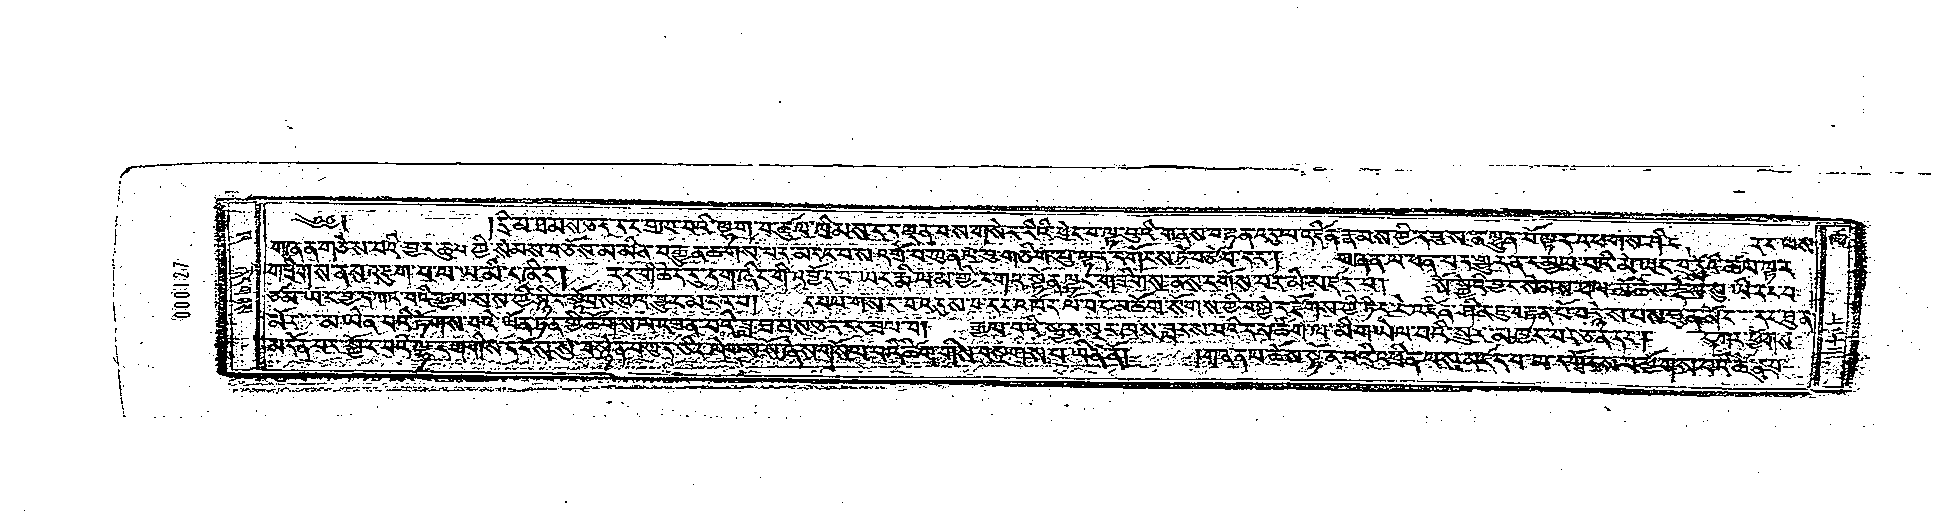༄༅། །དྲི་མ་ཐམས་ཅད་དང་བྲལ་བའི་ལྷག་བ་ཚུལ་ཁྲིམས་དང་ལྡན་བས་གསེར་རིའི་ཕྲེང་བ་ལྟ་བུའི་གནས་བརྟན་འདུལ་འཛིན་རྣམས་ཀྱི་དབུས་ན་ལྷུན་པོ་ལྟར་འཕགས་ཤིང་། རང་ལས་
གཞན་གཅེས་པའི་བྱང་ཆུབ་ཀྱི་སེམས་བཅོས་མ་མིན་པ་རྒྱུན་ཆགས་པར་མདའ་བས་འགྲོ་བ་ཀུན་ལ་བུ་གཅིག་པུ་ལྟར་དགོངས་ཏེ་བརྩེ་བ་དང་། གཞན་ལ་ཕན་པར་གྱུར་ན་དམྱལ་བའི་མ་ཡང་པདམོའི་ཚལ་ལྟར་
གཟིགས་ནས་འཇུག་པ་ལ་ཡ་མི་ང་ཞིང་། རང་གི་ཆེར་དུ་དག་ཞིང་གི་འབྱོར་བ་ཡང་རྨི་ལམ་གྱི་དགའ་སྟོན་ལྟར་གཟིགས་ནས་དགོས་པར་མི་མཛད་པ། སོ་སྐྱེའི་བྱང་སེམས་ཕལ་མོ་ཆེས་རྗེས་སུ་ཡི་རང་བ་
ཙམ་ཡང་བྱ་དཀའ་བའི་རྒྱལ་སྲས་ཀྱི་སྙིང་སྟོབས་ཕུལ་བྱུང་མངའ་བ། དཔལ་གསང་བ་འདུས་པ་དང་འཁོར་ལོ་བདེ་མཆོག་སོགས་ཀྱི་བསྐྱེད་རྫོགས་ཀྱི་ཏིང་ངེ་འཛིན་ཤིན་ཏུ་བརྟན་པོ་བརྙེས་པས་ཐུན་མོང་དང་ཐུན་
མོང་མ་ཡིན་པའི་རྟོགས་པའི་ཡོན་ཏན་གྱི་ཚོགས་ལ་འགྲན་པའི་ཟླ་ཐམས་ཅད་དང་བྲལ་བ། རྒྱལ་བའི་སྤྱན་སྔར་ཁས་བླངས་པའི་དམ་ཚིག་ལ་མི་གཡེལ་བའི་སྲུང་མ་ཁྱད་པར་ཅན་དང་། དཀར་ཕྱོགས་
མངོན་པར་སྐྱོང་བའི་ལྷ་དག་གིས་དངོས་སུ་བསྙེན་བཀུར་ཅིང་ལེགས་སོ་ཞེས་གསོལ་བའི་ཆིག་གིས་བསྔགས་པ་ཡིན་ནོ། །གཞན་ལ་ཆོས་སྟོན་པའི་འཕྲིན་ལས་མཛད་པ་ལ་དགོངས་བ་ཕྱོགས་པའི་ཚེ་ནུབ་